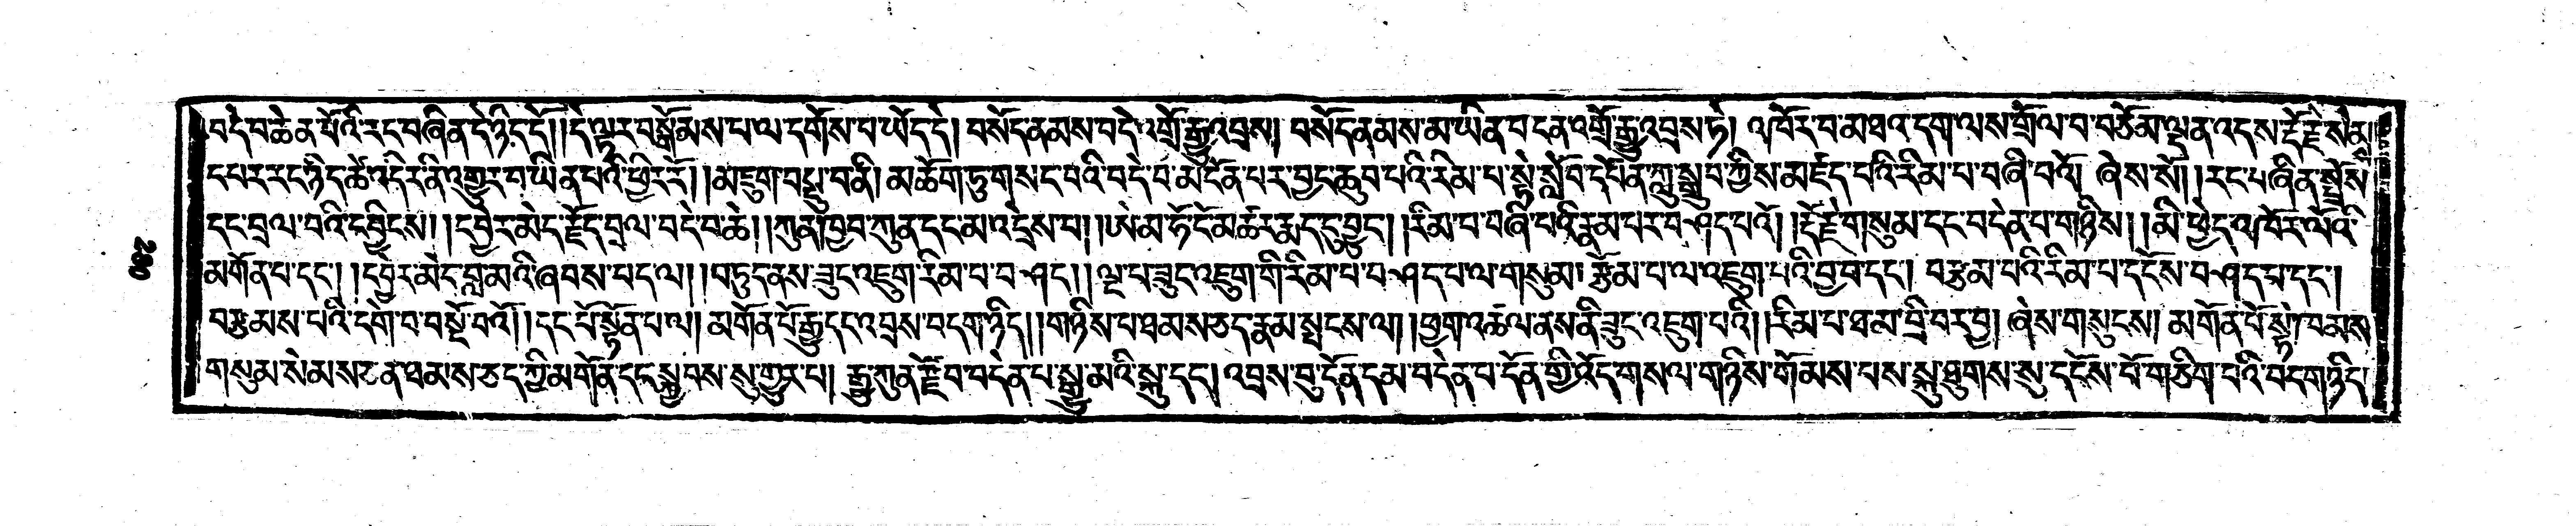བདེ་བ་ཆེན་པོའི་རང་བཞིན་དེ་ཉིད་དོ། །དེ་ལྟར་བསྒོམས་པ་ལ་དགོས་པ་ཡོད་དེ། བསོད་ནམས་བདེ་འགྲོ་རྒྱུ་འབྲས། བསོད་ནམས་མ་ཡིན་པ་ངན་འགྲོ་རྒྱུ་འབྲས་ཏེ། འཁོར་བ་མཐའ་དག་ལས་གྲོལ་བ་བཅོམ་ལྡན་འདས་རྡོ་རྗེ་སེམས་
དཔར་རང་ཉིད་ཚེ་འདིར་ནི་འགྱུར་བ་ཡིན་པའི་ཕྱིར་རོ། །མཇུག་བསྡུ་བ་ནི། མཆོག་ཏུ་གསང་བའི་བདེ་བ་མངོན་པར་བྱང་ཆུབ་པའི་རིམ་པ་སྟེ་སློབ་དཔོན་ཀླུ་སྒྲུབ་ཀྱིས་མཛད་པའི་རིམ་པ་བཞི་པའོ། ཞེས་སོ། །རང་བཞིན་སྤྲོས་
དང་བྲལ་བའི་དབྱིངས། །དབྱེར་མེད་རྗོད་བྲལ་བདེ་བ་ཆེ། །ཀུན་ཁྱབ་ཀུན་དང་མ་འདྲེས་པ། །ཨེ་མ་ཧོ་ངོ་མཚར་རྨད་དུ་བྱུང་། །རིམ་པ་བཞི་པའི་རྣམ་པར་བཤད་པའོ། །རྡོ་རྗེ་གསུམ་དང་བདེན་པ་གཉིས། །མི་ཕྱེད་འཁོར་ལོའི་
མགོན་པོ་དང་། །དབྱེར་མེད་བླ་མའི་ཞབས་པད་ལ། །བཏུད་ནས་ཟུང་འཇུག་རིམ་པ་བཤད། །ལྔ་པ་ཟུང་འཇུག་གི་རིམ་པ་བཤད་པ་ལ་གསུམ། རྩོམ་པ་ལ་འཇུག་པའི་བྱ་བ་དང་། བརྩམ་པའི་རིམ་པ་དངོས་བཤད་པ་དང་།
བརྩམས་པའི་དགེ་བ་བསྔོ་བའོ། །དང་པོ་སྟོན་པ་ལ། མགོན་པོ་རྒྱུ་དང་འབྲས་བདག་ཉིད། །གཉིས་པ་ཐམས་ཅད་རྣམ་སྤངས་ལ། །ཕྱག་འཚལ་ནས་ནི་ཟུང་འཇུག་པའི། །རིམ་པ་ཐ་མ་བྲི་བར་བྱ། ཞེས་གསུངས། མགོན་པོ་སྟེ་ཁམས་
གསུམ་སེམས་ཅན་ཐམས་ཅད་ཀྱི་མགོན་དང་སྐྱབས་སུ་གྱུར་པ། རྒྱུ་ཀུན་རྫོབ་བདེན་པ་སྒྱུ་མའི་སྐུ་དང་། འབྲས་བུ་དོན་དམ་བདེན་པ་དོན་གྱི་འོད་གསལ་གཉིས་གོམས་པས་སྐུ་ཐུགས་སུ་དངོས་པོ་གཅིག་པའི་བདག་ཉིད་